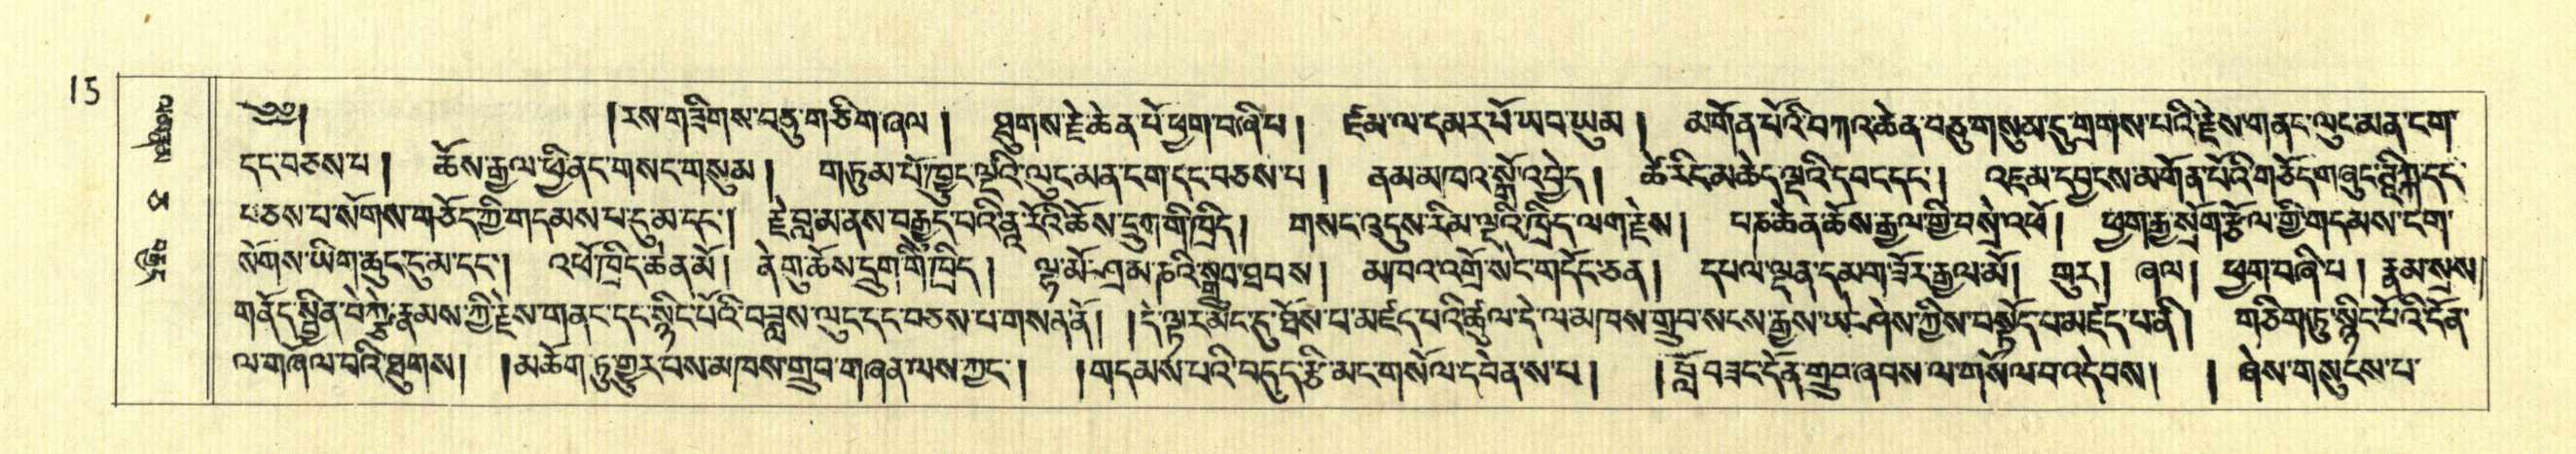༄༅། །རས་གཟིགས་བཅུ་གཅིག་ཞལ། ཐུགས་རྗེ་ཆེན་པོ་ཕྱག་བཞི་པ། ཛམ་ལ་དམར་པོ་ཡབ་ཡུམ། མགོན་པོའི་བཀའ་ཆེན་བཅུ་གསུམ་དུ་གྲགས་པའི་རྗེས་གནང་ལུང་མན་ངག་
དང་བཅས་པ། ཆོས་རྒྱལ་ཕྱི་ནང་གསང་གསུམ། གཏུམ་པོ་ཁྱུང་ལྔའི་ལུང་མན་ངག་དང་བཅས་པ། ནམ་མཁའ་སྒོ་འབྱེད། ཚེ་རིང་མཆེད་ལྔའི་དབང་དང་། འཇམ་དབྱངས་མགོན་པོའི་གཅོད་གཞུང་ཊཱིཀྐ་དང་
བཅས་པ་སོགས་གཅོད་ཀྱི་གདམས་པ་དུ་མ་དང་། རྗེ་བླ་མ་ནས་བརྒྱུད་པའི་ནཱ་རོའི་ཆོས་དྲུག་གི་ཁྲིད། གསང་འདུས་རིམ་ལྔའི་ཁྲིད་ལག་རྗེས། པཎ་ཆེན་ཆོས་རྒྱལ་གྱི་བསྲེ་འཕོ། ཕྱག་རྒྱ་སྲོག་རྩོལ་གྱི་གདམས་ངག་
སོགས་ཡིག་ཆུང་ངུ་མ་དང་། འཕོ་ཁྲིད་ཆེན་མོ། ནེ་གུ་ཆོས་དྲུག་གི་ཁྲིད། ལྷ་མོ་ཤྲམ་ཎའི་སྒྲུབ་ཐབས། མཁའ་འགྲོ་སེང་གདོང་ཅན། དཔལ་ལྡན་དམག་ཟོར་རྒྱལ་མོ། གུར། ཞལ། ཕྱག་བཞི་པ། རྣམ་སྲས།
གནོད་སྦྱིན་བེཀྩེ་རྣམས་ཀྱི་རྗེས་གནང་དང་སྙིང་པོའི་བཟླས་ལུང་དང་བཅས་པ་གསན་ནོ། །དེ་ལྟར་མང་དུ་ཐོས་པ་མཛད་པའི་ཚུལ་དེ་ལ་མཁས་གྲུབ་སངས་རྒྱས་ཡེ་ཤེས་ཀྱིས་བསྟོད་པ་མཛད་པ་ནི། གཅིག་ཏུ་སྙིང་པོའི་དོན་
ལ་གཞོལ་བའི་ཐུགས། །མཆོག་ཏུ་གྱུར་པས་མཁས་གྲུབ་གཞན་ལས་ཀྱང་། །གདམས་པའི་བདུད་རྩི་མང་གསོལ་དབེན་ས་པ། །བློ་བཟང་དོན་གྲུབ་ཞབས་ལ་གསོལ་བ་འདེབས། །ཞེས་གསུངས་པ་